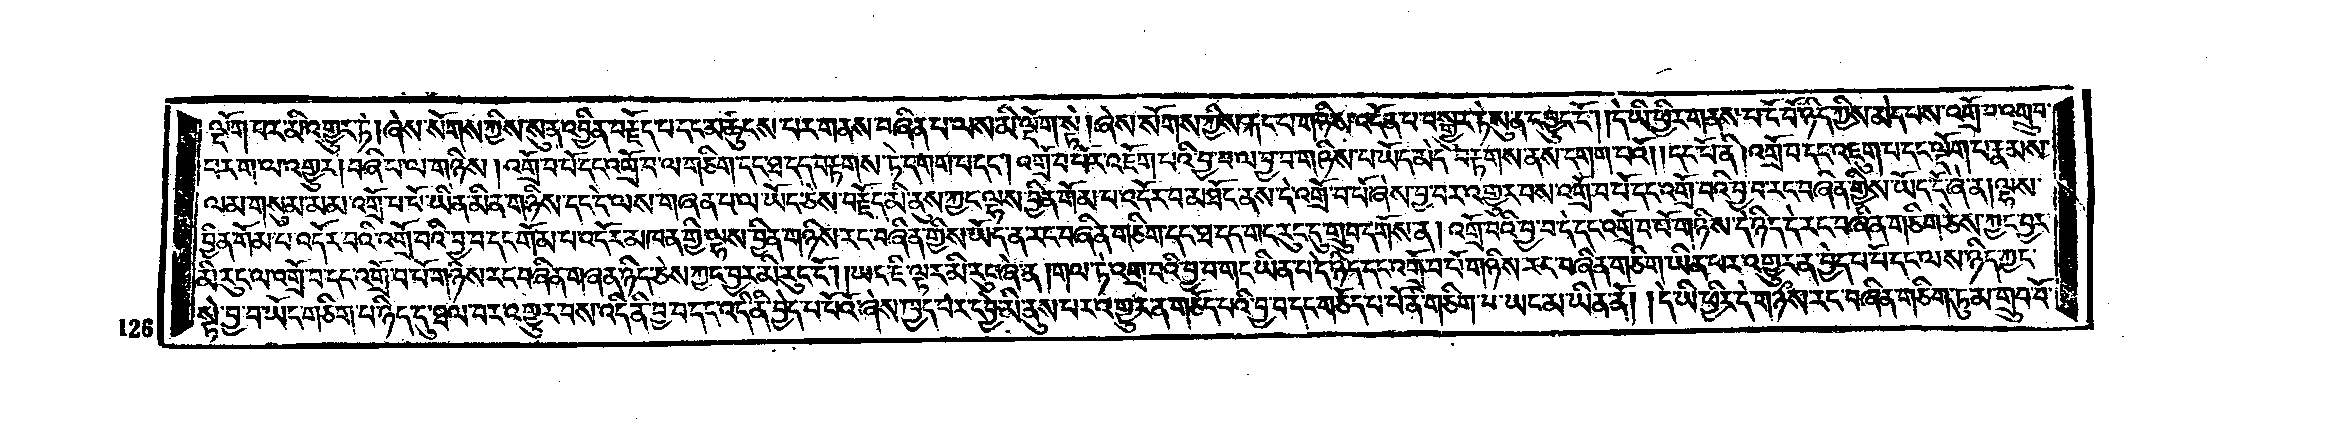ལྡོག་པར་མི་འགྱུར་ཏེ། ཞེས་སོགས་ཀྱིས་སུན་འབྱིན་བརྗོད་པ་དང་མཚུངས་པར་གནས་བཞིན་པ་ལས་མི་ལྡོག་སྟེ། ཞེས་སོགས་ཀྱིས་རྐང་པ་གཉིས་འདོན་པ་བསྒྱུར་ཏེ་སུན་དབྱུང་ངོ། །དེ་ཡི་ཕྱིར་གནས་པ་ངོ་བོ་ཉིད་ཀྱིས་མེད་པས་འགྲོ་བ་འགྲུབ་
པར་ག་ལ་འགྱུར། བཞི་པ་ལ་གཉིས། འགྲོ་བ་པོ་དང་འགྲོ་བ་ལ་གཅིག་དང་ཐ་དད་བརྟགས་ཏ་དགག་པ་དང་། འགྲོ་བ་པོར་འཇོག་པའི་བྱ་བ་ལ་བྱ་བ་གཉིས་པ་ཡོད་མེད་བརྟགས་ནས་དགག་པའོ། །དང་པོ་ནི། འགྲོ་བ་དང་འཇུག་པ་དང་ལྡོག་པ་རྣམས་
ལམ་གསུམ་མམ་འགྲོ་བ་པོ་ཡིན་མིན་གཉིས་དང་དེ་ལས་གཞན་པ་ལ་ཡོད་ཅེས་བརྗོད་མི་ནུས་ཀྱང་ལྷས་བྱིན་གོམ་པ་འདོར་བ་མཐོང་ནས་དེ་འགྲོ་བ་པོ་ཞེས་བྱ་བར་འགྱུར་བས་འགྲོ་བ་པོ་དང་འགྲོ་བའི་བྱ་བ་རང་བཞིན་གྱིས་ཡོད་དོ་ཞེ་ན། ལྷས་
བྱིན་གོམ་པ་འདོར་བའི་འགྲོ་བའི་བྱ་བ་དང་གོམ་པ་འ་དོར་མཁན་གྱི་ལྷས་བྱིན་གཉིས་རང་བཞིན་གྱིས་ཡོད་ན་རང་བཞིན་གཅིག་དང་ཐ་དད་གང་རུང་དུ་གྲུབ་དགོས་ན། འགྲོ་བའི་བྱ་བ་དེ་དང་འགྲོ་བ་པོ་གཉིས་དེ་ཉིད་དེ་རང་བཞིན་གཅིག་ཅེས་ཀྱང་བྱར་
མི་རུང་ལ་འགྲོ་བ་དང་འགྲོ་བ་པོ་གཉིས་རང་བཞིན་གཞན་ཉིད་ཅེས་ཀྱང་བྱར་མི་རུང་ངོ། །ཡང་ཇི་ལྟར་མི་རུང་ཞེ་ན། གལ་ཏེ་འགྲོ་བའི་བྱ་བ་གང་ཡིན་པ་དེ་ཉིད་དང་འགྲོ་བ་པོ་གཉིས་རང་བཞིན་གཅིག་ཡིན་པར་འགྱུར་ན་བྱེད་པ་པོ་དང་ལས་ཉིད་ཀྱང་
སྟེ་བྱ་བ་ཡང་གཅིག་པ་ཉིད་དུ་ཐལ་བར་འགྱུར་བས་འདི་ནི་བྱ་བ་དང་འདི་ནི་བྱེད་པ་པོའོ་ཞེས་ཁྱད་པར་དབྱེ་མི་ནུས་པར་འགྱུར་ན་གཅོད་པའི་བྱ་བ་དང་གཅོད་པ་པོ་ནི་གཅིག་པ་ཡང་མ་ཡིན་ནོ། །དེ་ཡི་ཕྱིར་དེ་གཉིས་རང་བཞིན་གཅིག་ཏུ་མ་གྲུབ་བོ་